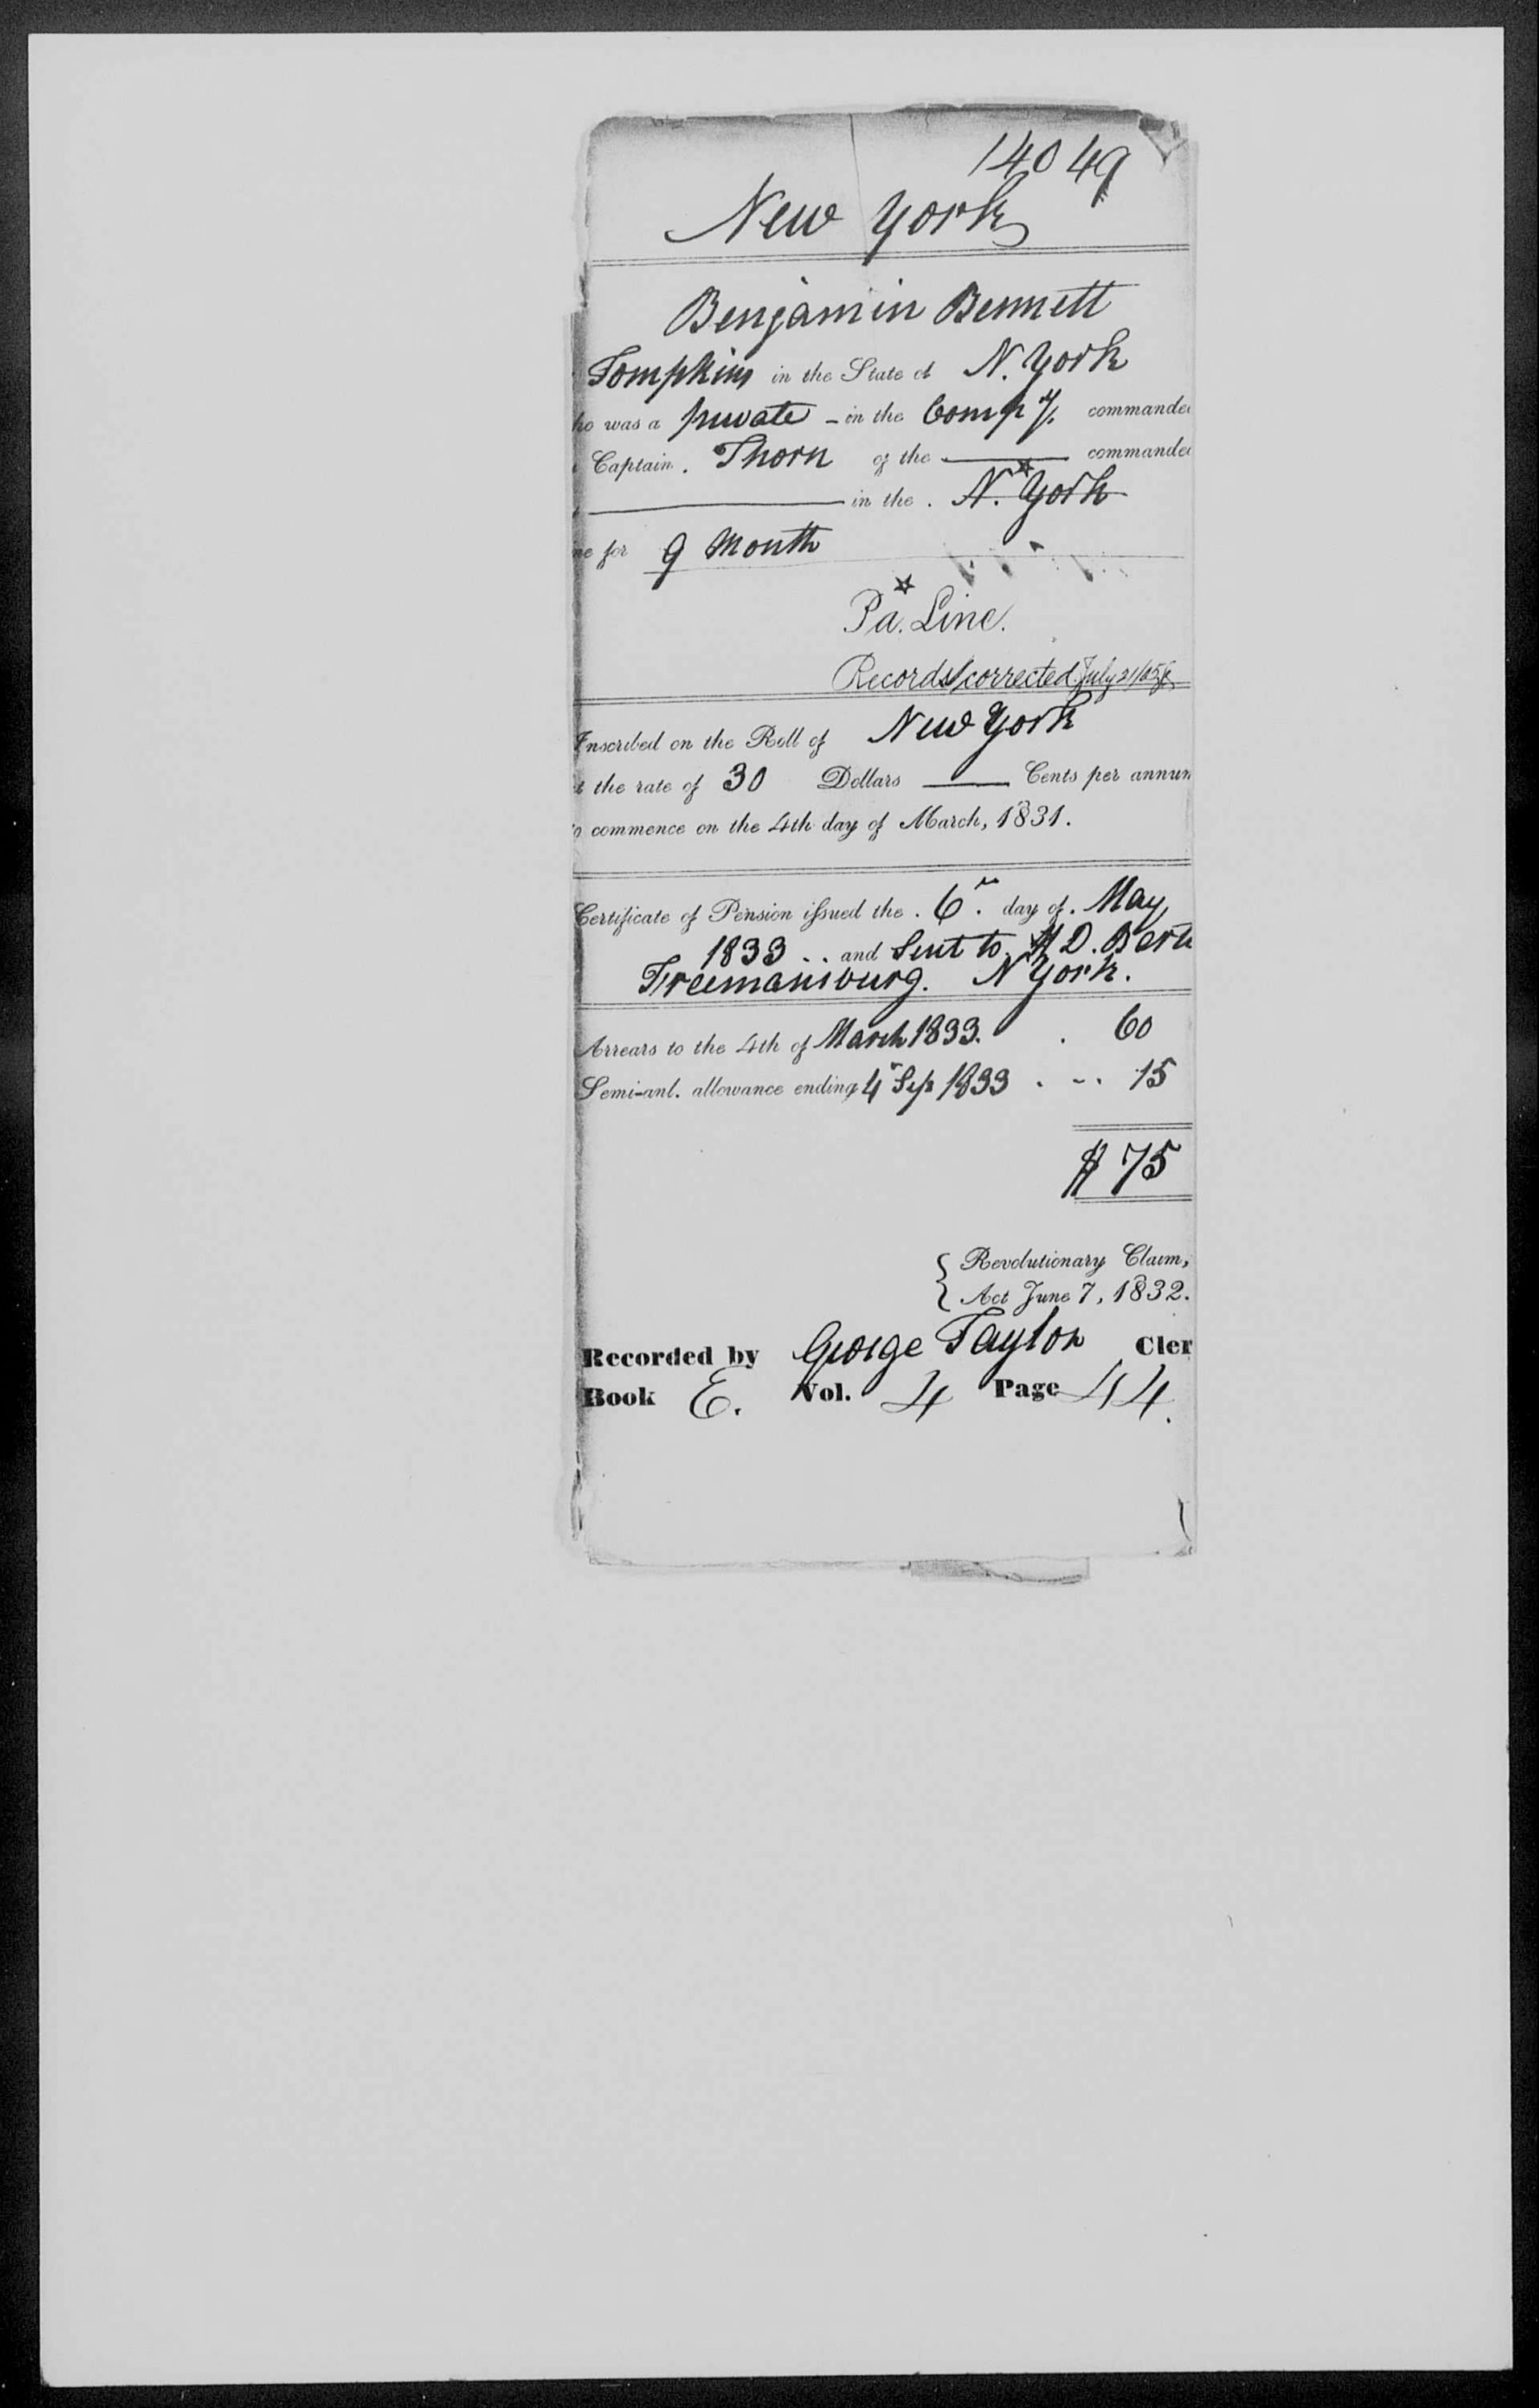[printed form with hand written responses] 
14049 New York
=============== 
Benjamin Bennett
Tompkins in the State of N. York who was a private in the Compy. commanded Captain. Thorn of the ----- commanded ----- in the [N.* York -- crossed out] line for 9 month * Pa. Line. Records corrected July 21/05 JK
=============== 
Inscribed on the Roll of New York at the rate of 30 Dollars --- Cents per annum to commence on the 4th day of March, 1831.
=============== 
Certificate of Pension issued the 6th. day of May 1833 . . and sent to H D. Berk Freemansburg. N York.
=============== 
Arrears to the 4th of March 1833.  60
Semi-anl. allowance ending 4th Sep 1833 15
=====
$ 75
=====
{Revolutionary Claim, Act June 7, 1832.
Recorded by George Taylor Clerk 
Book E. Vol. 4 Page 44.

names: Thorn, H D Berto, Benjamin Bennett, George Taylor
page: 2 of 16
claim: survivor's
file: S. 12175, Benjamin Bennett, Penn.